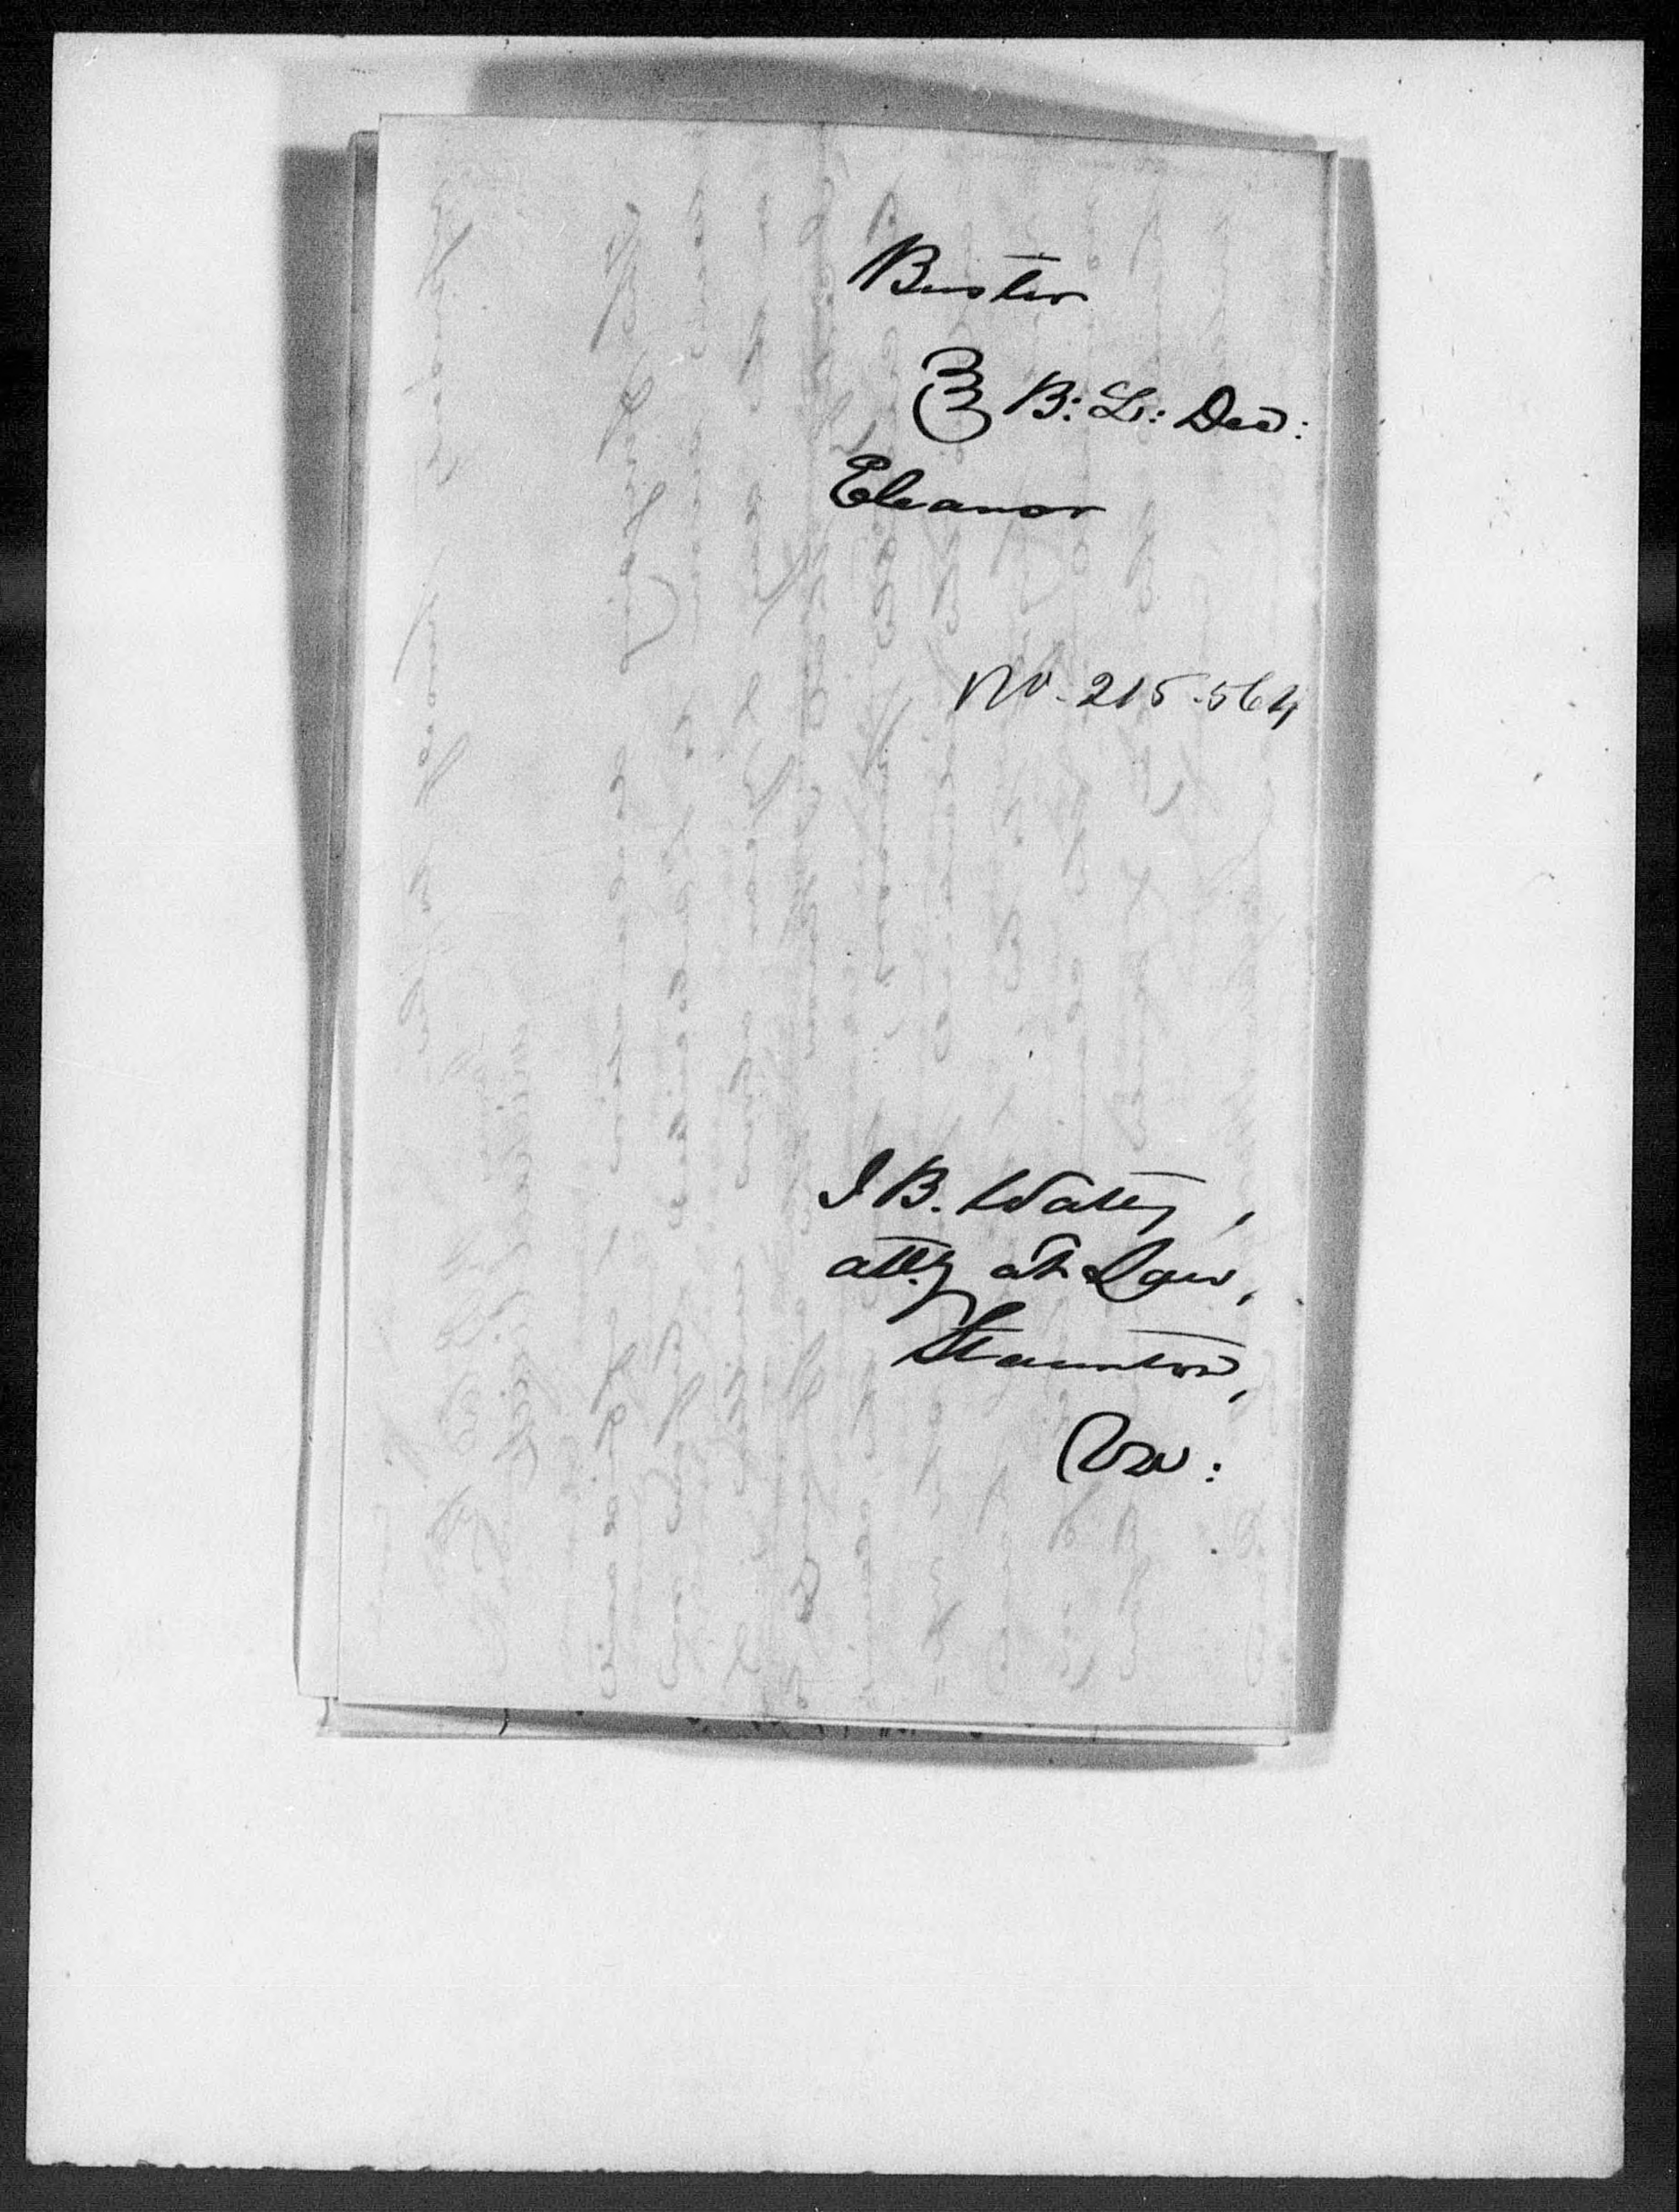Buster
B. L.: Dec:
Eleanor

Nv-215-564

J. B. Watts
atty at Law
Staunton, Va:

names: Buster, J B Watts, Eleanor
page: 11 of 71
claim: widow's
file: W. 25310, Claudius Buster, Va.